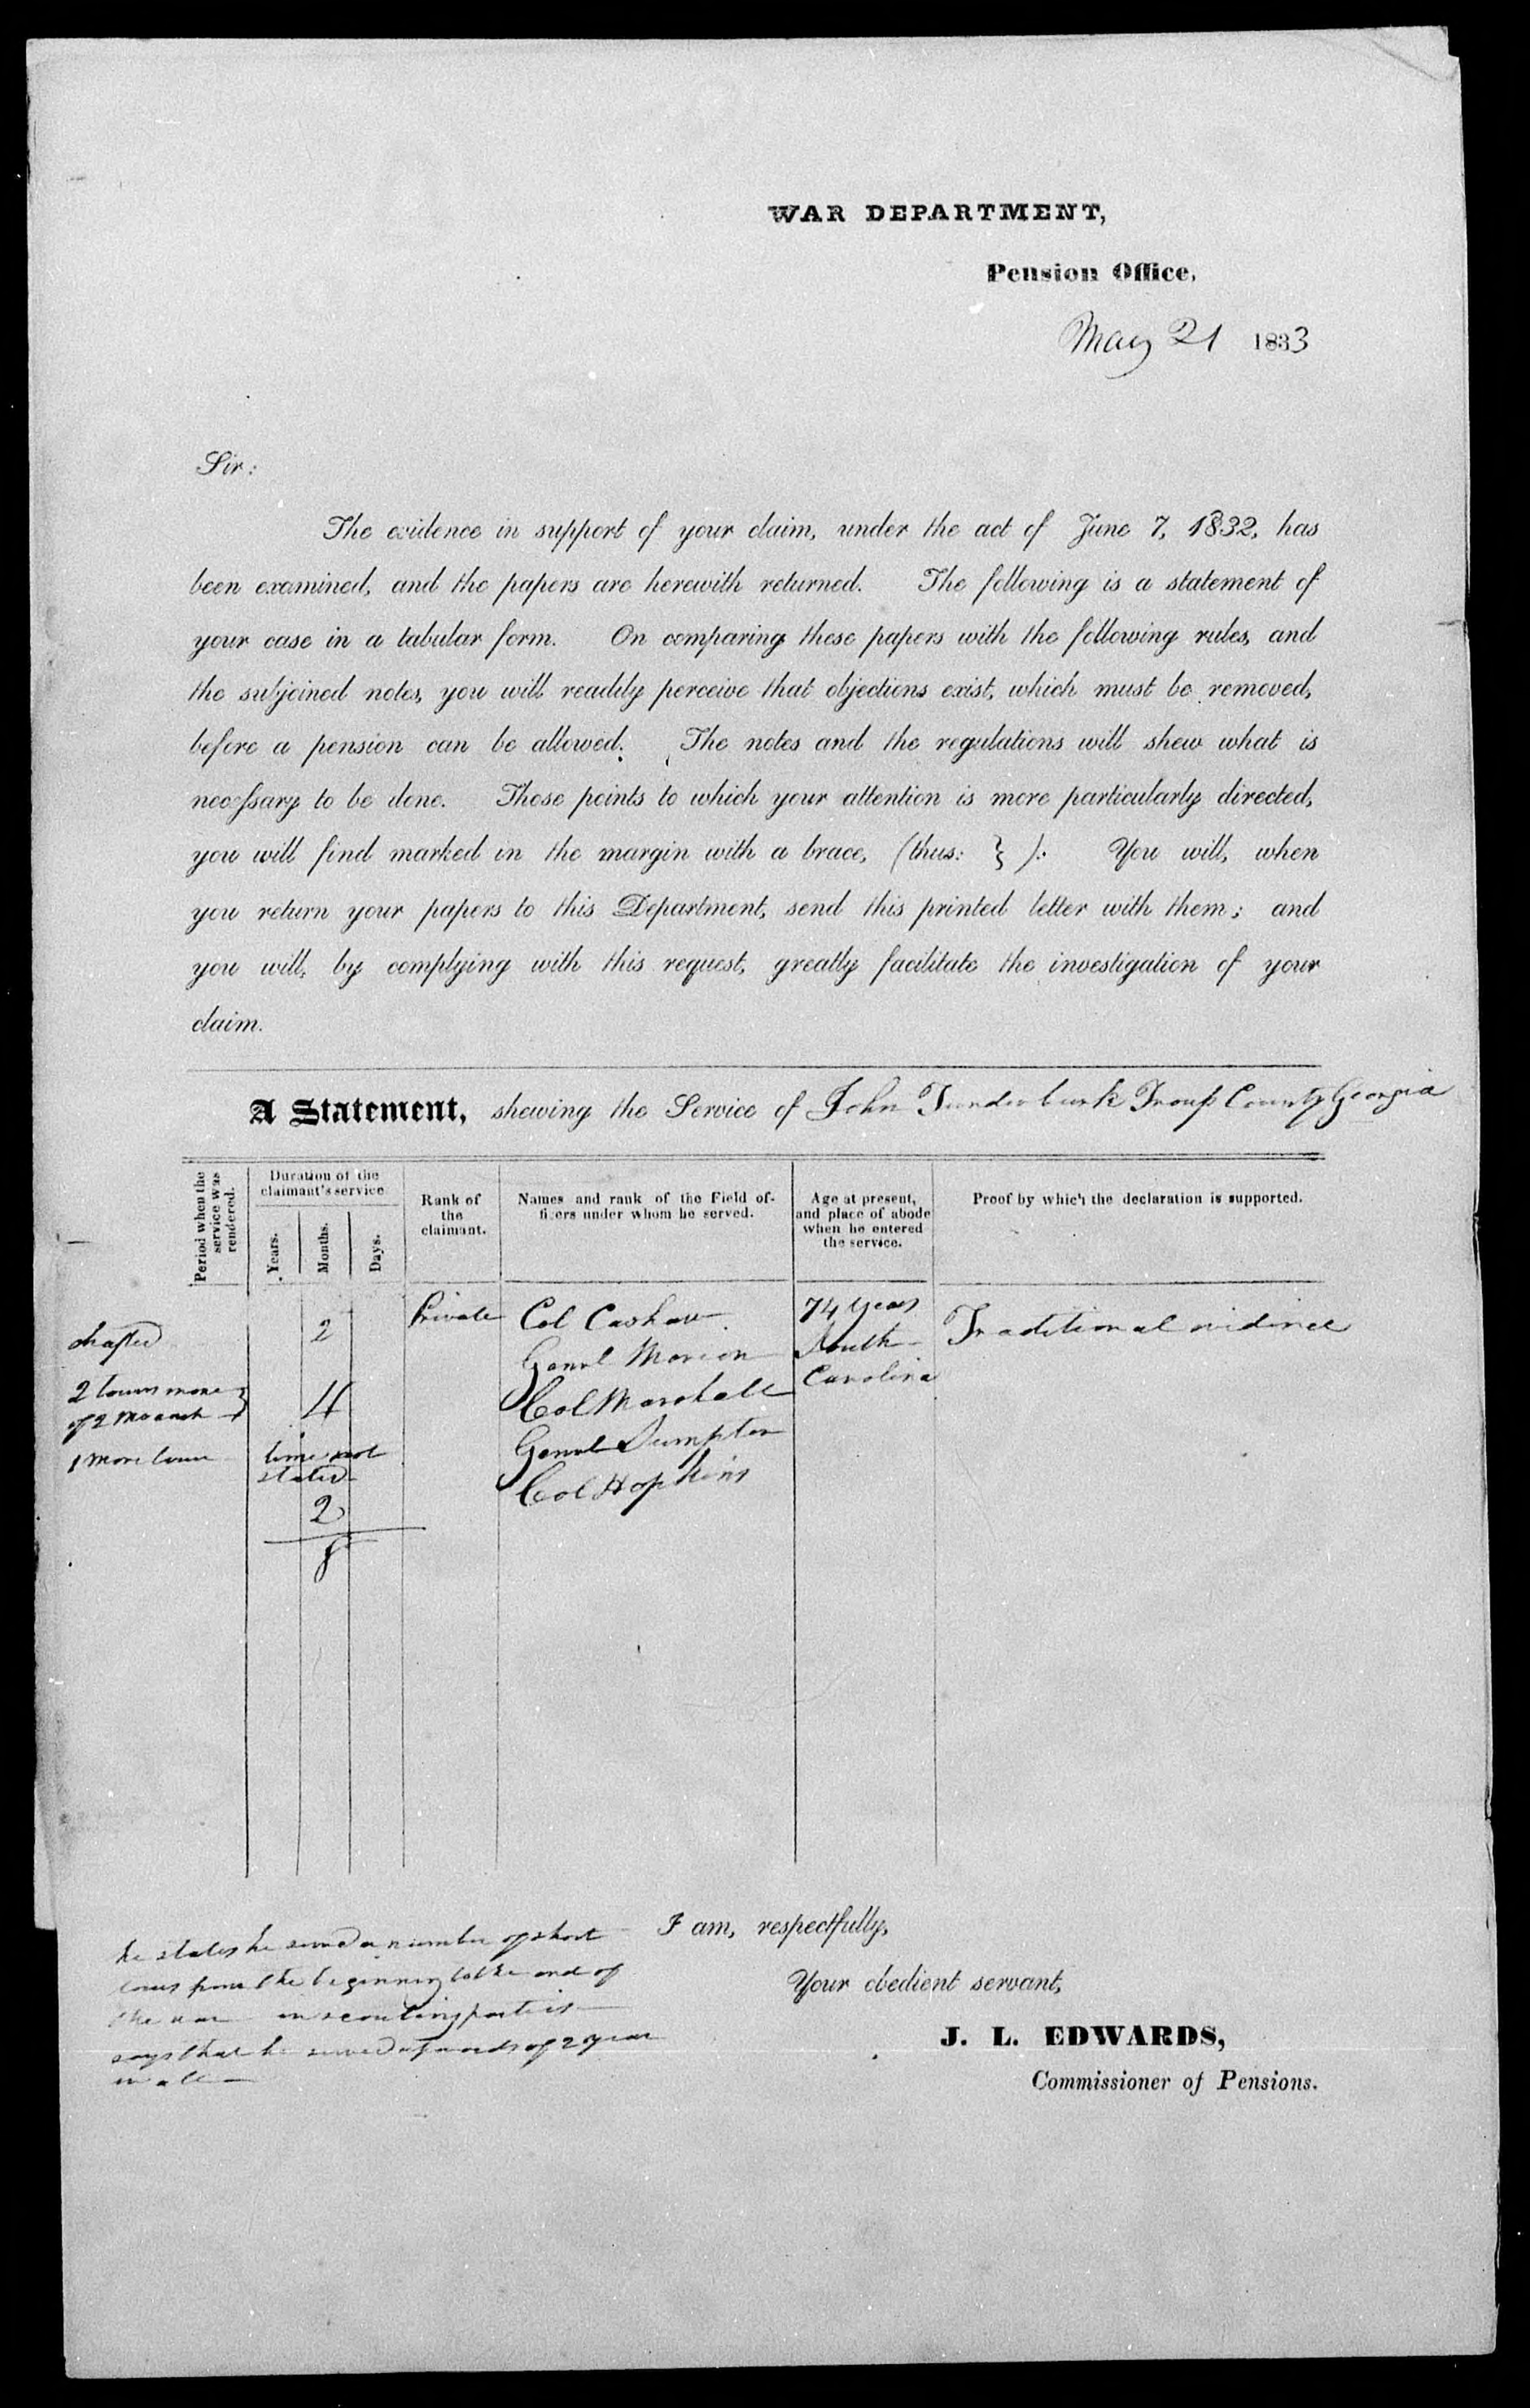WAR DEPARTMENT,
                                                              Pension Office,
                                                                           May 21 1833

Sir:

The evidence in support of your claim, under the act of June 7, 1832, has
been examined, and the papers are herewith returned. The following is a statement of
your case in a tabular form. On comparing these papers with the following rules,
and the subjoined notes, you will readily perceive that objections exist, which must be removed,
before a pension can be allowed. The notes and the regulations will show what is 
necessary to be done. Those points to which your attention is more particularly directed,
you will find marked in the margin with a brace, (thus: } ).  You will, when
you return your papers to this Department, send this printed letter with them; and
you will, by complying with this request, greatly facilitate the investigation of your
claim.

[Following is a table. Each column heading is typed and the entries below are handwritten.]

A Statement, shewing the Service of John Funderburk Troup County Georgia

[Column 1] Period when the service was rendered 
drafted
2 tours more
of 2 mo each
1 more tour

[Column 2] Duration of the claimant's service
Years. Months. Days.
-2-
-4-
time not stated
-2-
_________________
8 [months]

[Column 3] Rank of the claimant.
Private

[Column 4] Names and rank of the Field of-
ficers under whom he served.
Col Cashaw
Genl Marion
Col Marshall
Genl Sumptor
Col Hopkins

[Column 5] Age at present, and place of abode when he entered the service.
74 years
South 
Carolina

[Column 6] Proof by which the declaration is supported.
Traditional evidence

I am, respectfully,
         Your obedient servant,
                         J. L. EDWARDS,
                                          Commissioner of Pensions.


[handwritten] 
He states he served a number of short
tours from the beginning to the end of
the war in scouting parties ---
says that he served upward of 2 years
in all ---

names: Cashaw, Marshall, Sumpter, John Funderburk, J L Edwards, Marion, Hopkins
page: 15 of 23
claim: survivor's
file: S. 31,682, John Funderbuck, S.C.